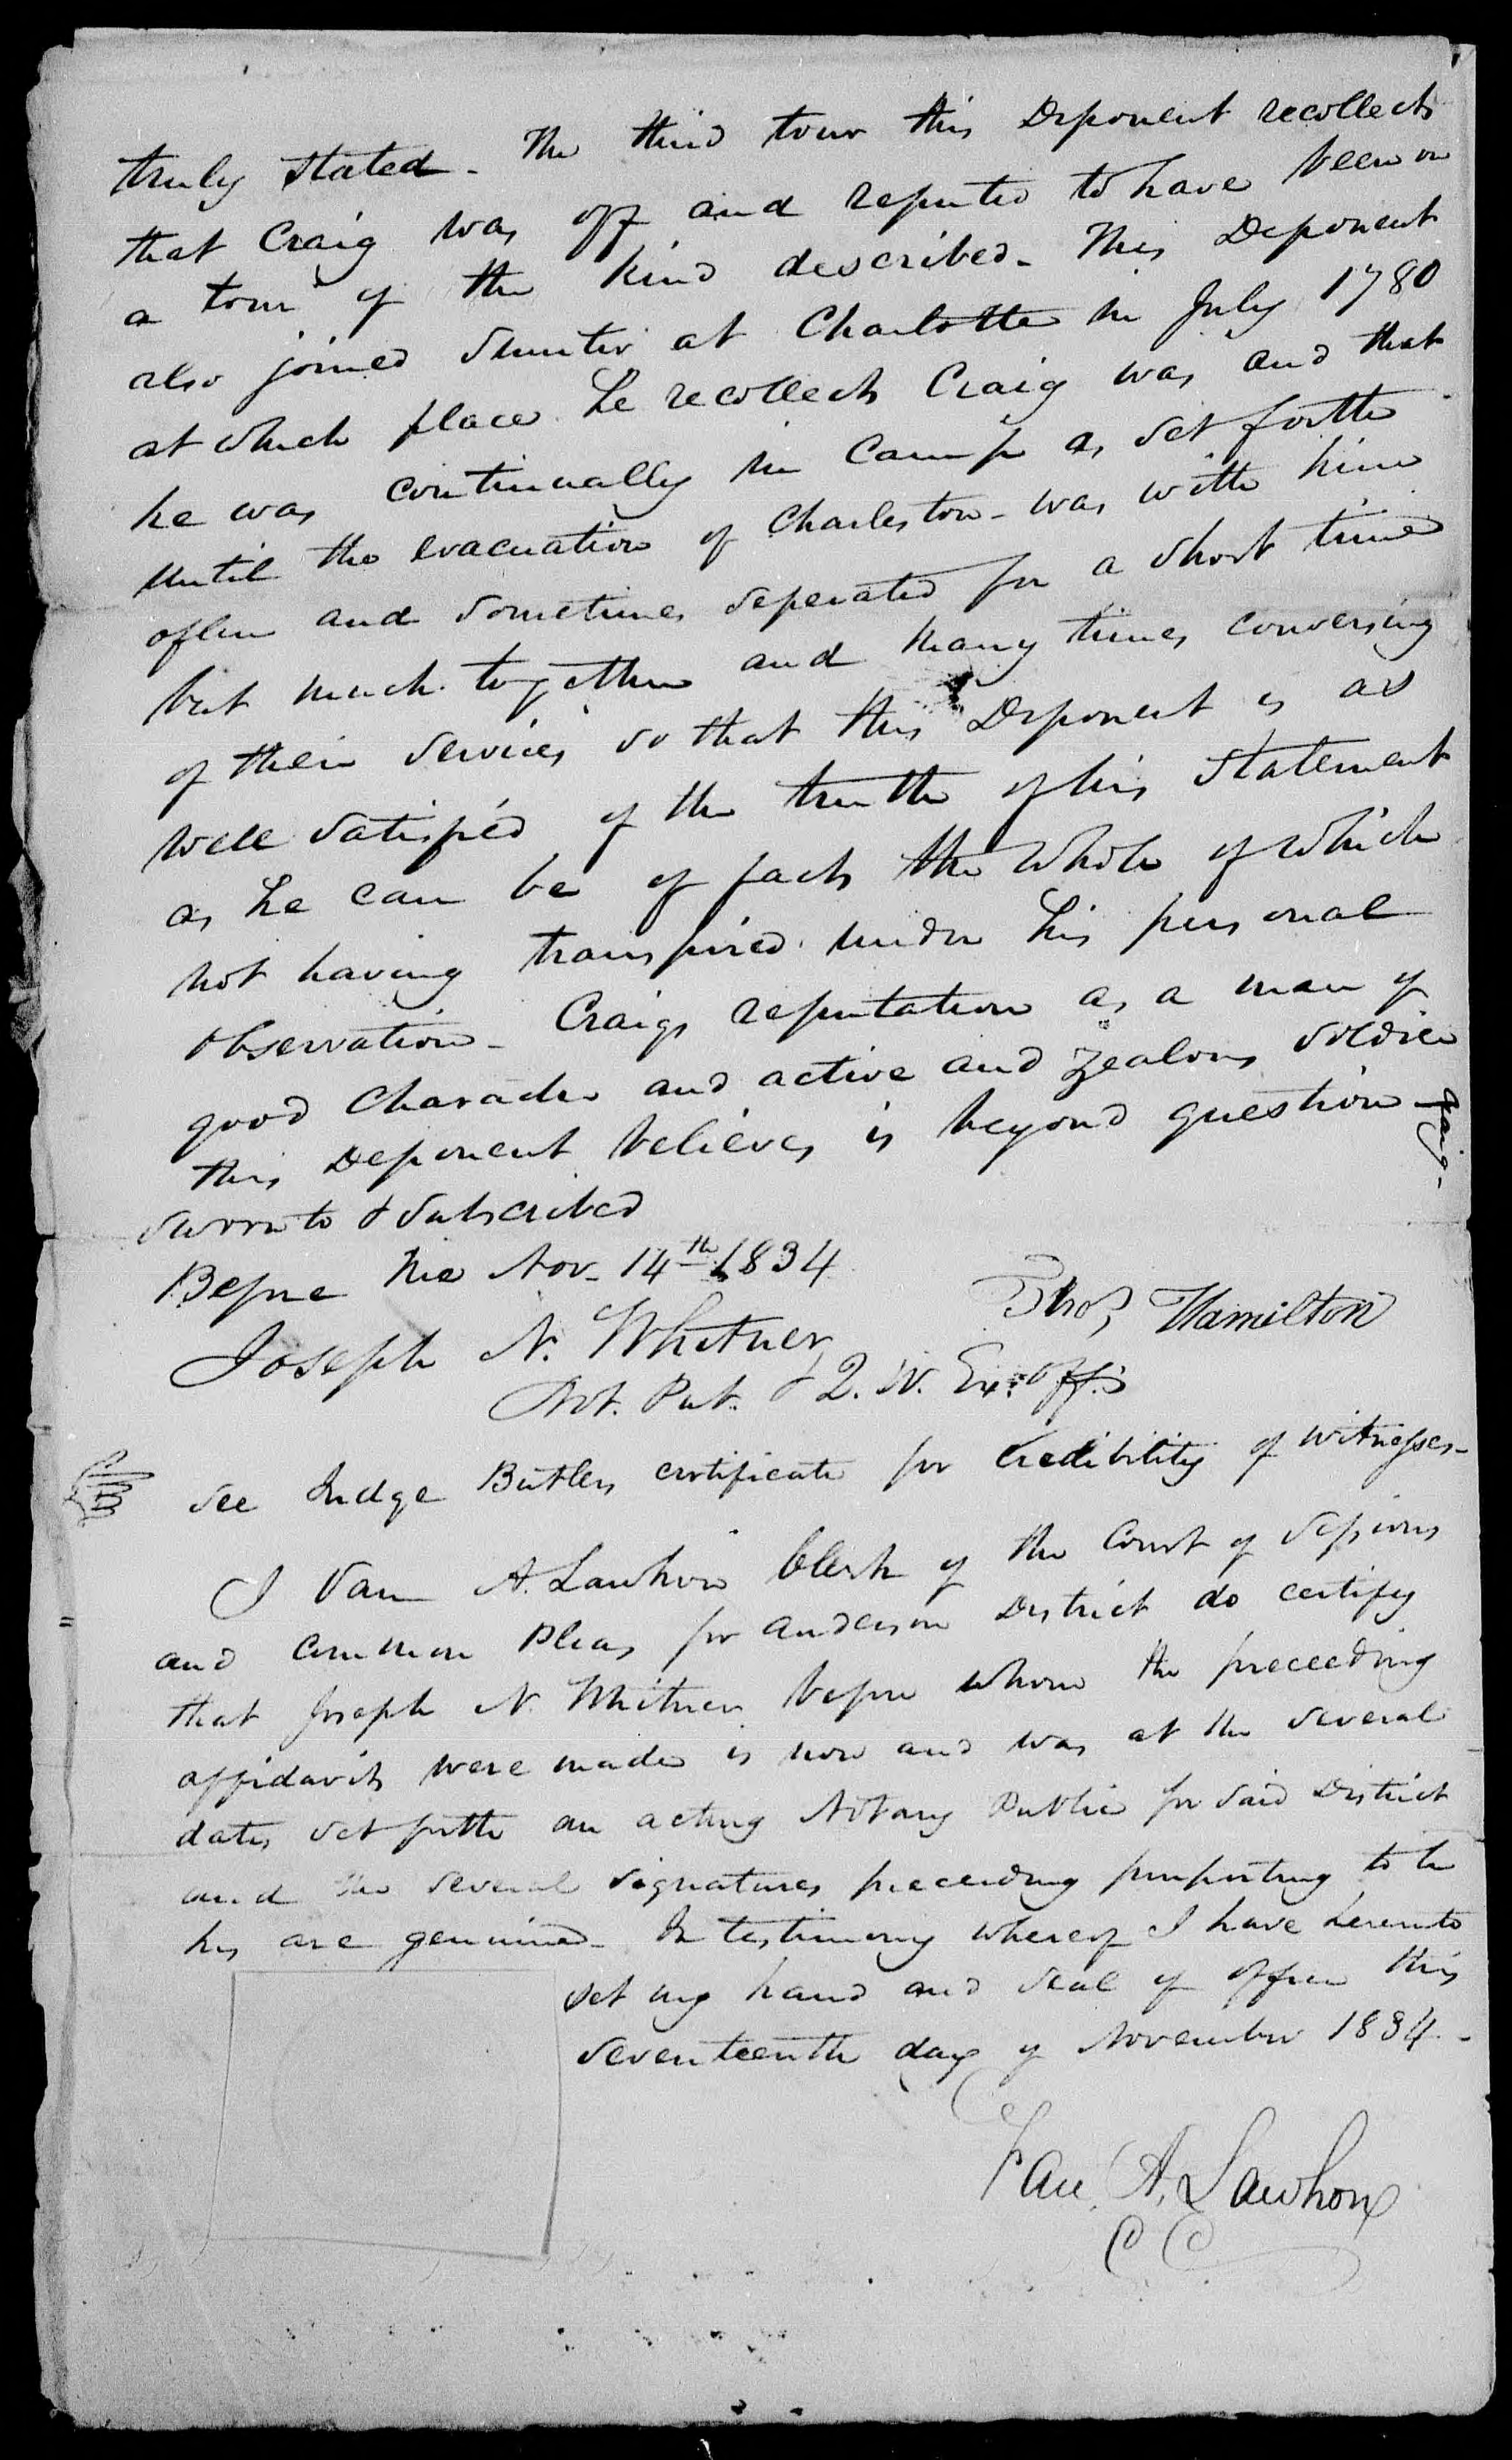truly stated. The third tour this Deponent recollects that Craig was off and reputed to have been in a tour of the
kind described. This Deponent also joined Sumter at Charlotte in July 1780
at which place he recollects Craig was and that
he was continually in camp as set forth
until the evacuation of Charleston. Was with him often and sometimes separated for
a short time but much together
and many times conversing
of their services so that this Deponent is
as well satisfied of the truth of his
statement as he can be of fact the whole of which not having transpired under his personal
observation. Craigs reputation as a man
good character and active and zealous
soldier this Deponent believes is beyond question.
Sworn to & Subscribed
Before me Nov 14th 1834
Joseph N. Whitner
Thos Hamilton
[illegible] & Q W. Ex offs
[in left margin, a hand is drawn with index finger pointing to notation "See Judge Butler"]
See Judge Butler, certificate for credibility of witnesses.
I Van A. Lawhon Clerk of the Court of Sessions
and Common Pleas for Anderson
District do certify that Joseph N. Whitner before whom the preceeding affidavits were made is now and was at the several
dates set forth an acting Notary Public for said District and the several signatures preceding purporting to be his
are genuine. In testimony whereof I have hereunto set my hand and seal of office
this Seventeenth day of November 1834.

[Illegible] A. Lawhon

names: Sumter, Van A Lawhon, Craig, Joseph N Whitner, Thos Hamilton, Craig, Craig, Joseph N Whitner, Van A Lawhon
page: 43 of 55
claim: widow's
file: W. 22864, John Craig, S.C. Born In Iceland